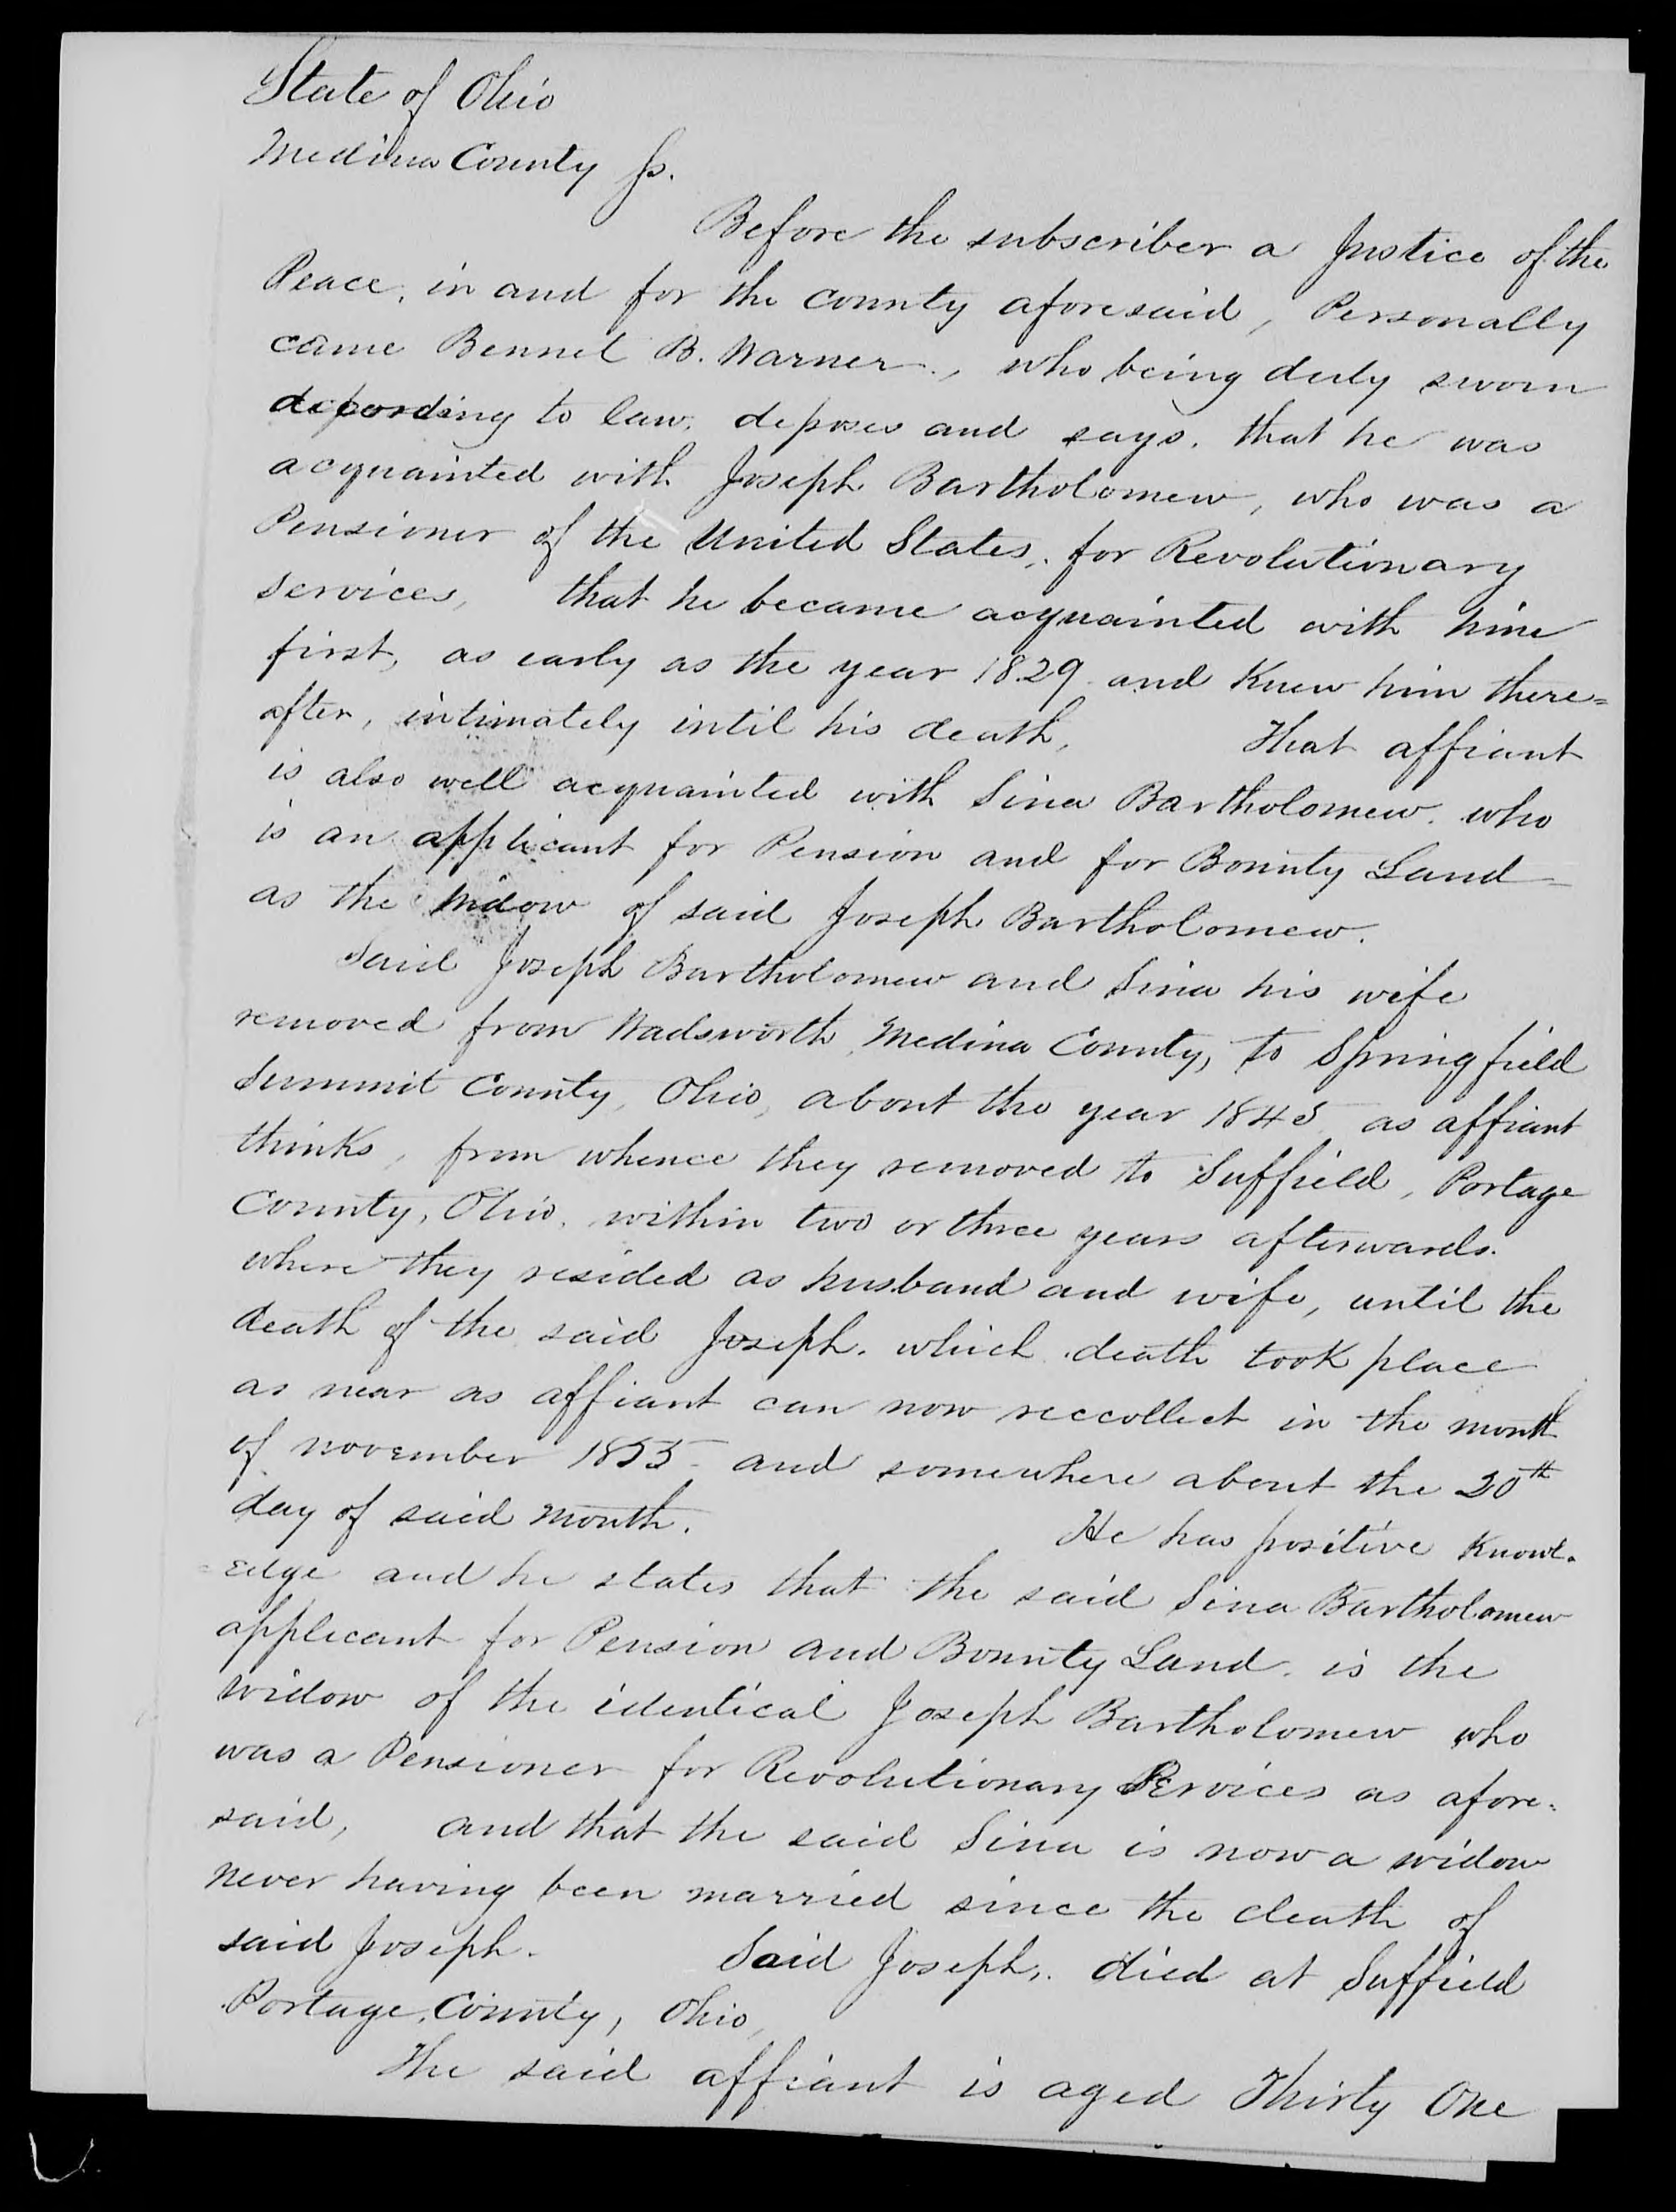State of Ohio
Medina County ss.

Before the subscriber a Justice of the
Peace in and for the county aforesaid, Personally came Bennet B. Warner, who being duly sworn according to law, deposes and says, that he was acquainted with Joseph Bartholomew, who was a Pensioner of the United States for Revolutionary services, that he became acquainted with him first, as early as the year 1829 and knew him there after, intimately until his death.  That affiant is
also well acquainted with Sina Bartholomew who is an applicant for Pension and for Bounty Land as the widow of said Joseph Bartholomew.

Said Joseph Bartholomew and Sina his wife
removed from Wadsworth, Medina County, to
Springfield Summit County, Ohio, about the year 1845 as affiant thinks, from whence they removed to Suffield, Portage County, Ohio, within two or three years afterwards, where they resided as husband and wife, until the
death of the said Joseph, which death took place as near as affiant can now recollect in the month of November 1855, and somewhere about the 20th day of said month.

He has positive knowledge and he states that the said Sina Bartholomew applicant for Pension and Bounty Land is the widow of the identical Joseph Bartholomew who was a Pensioner for Revolutionary services as aforesaid, and that the said Sina is now a widow never having been married since the death of said Joseph.  Said Joseph died at Suffield Portage County, Ohio.

the said affiant is aged Thirty one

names: Sina Bartholomew, Joseph, Joseph Bartholomew, Sina Bartholomew, Bennet B Warner, Sina, Joseph, Joseph Bartholomew, Sina, Joseph Bartholomew, Joseph, Joseph Bartholomew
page: 36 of 76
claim: widow's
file: W. 9345, Joseph Bartholomew, Conn.